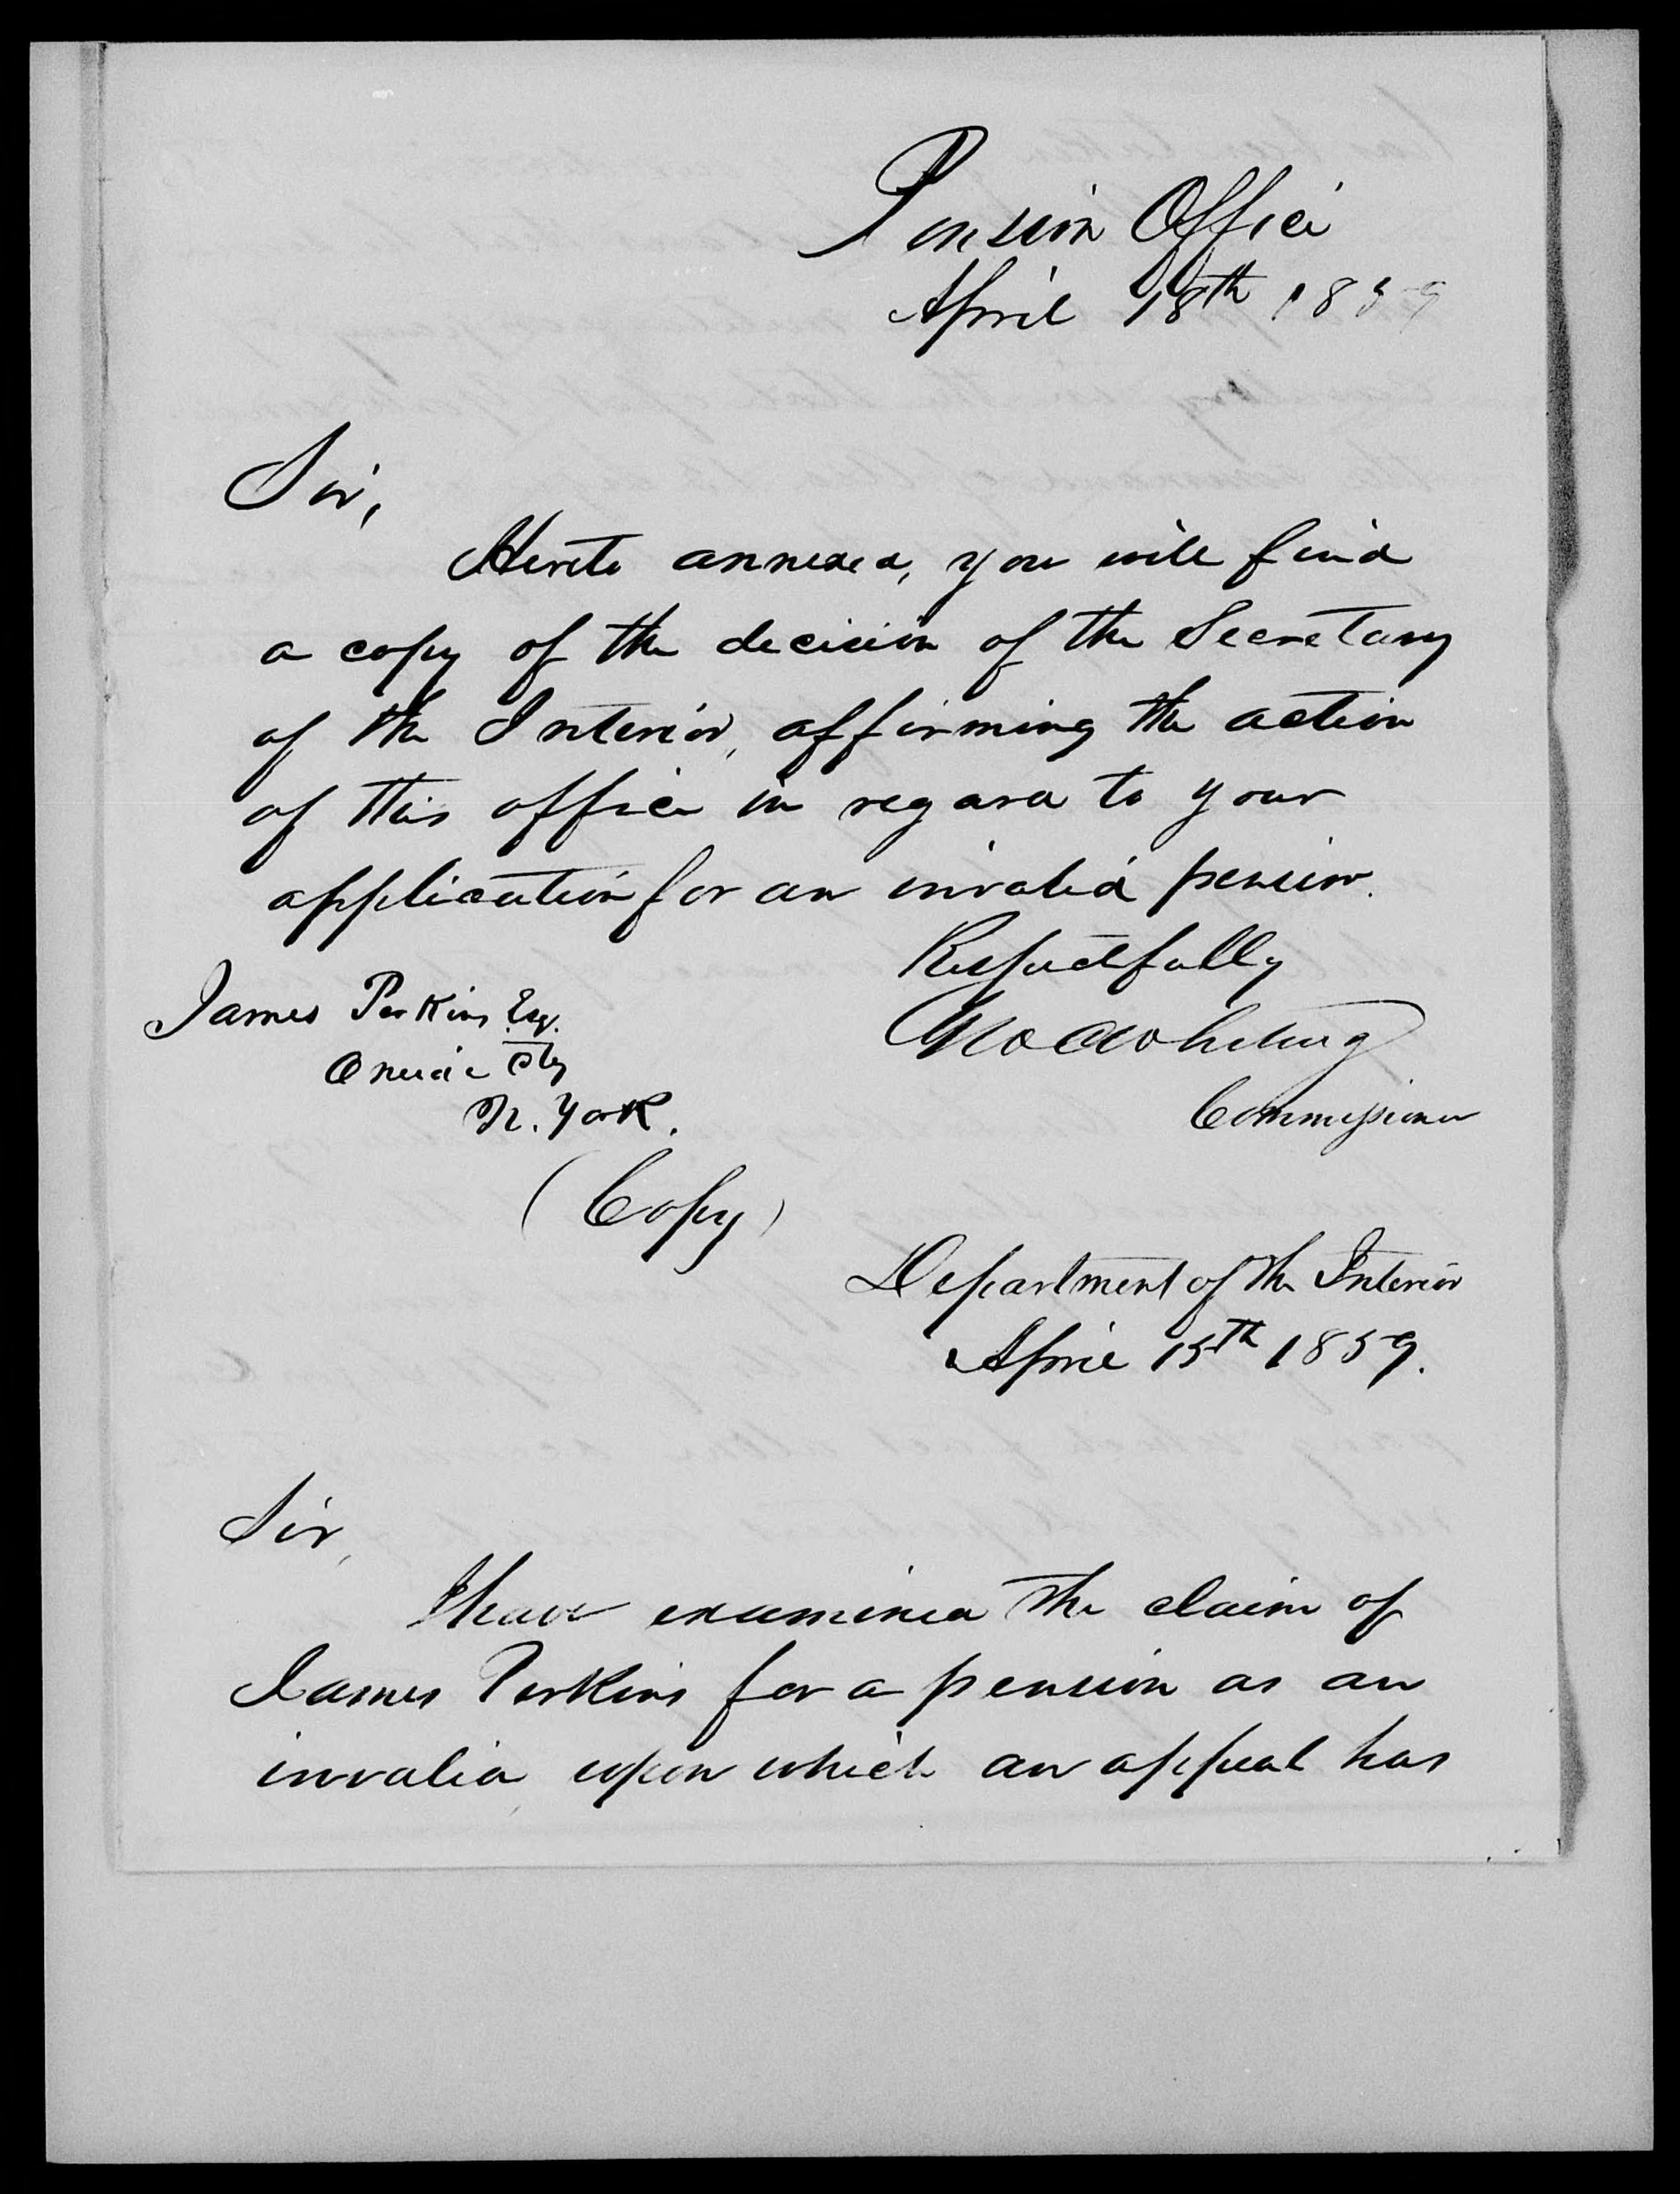Pension Office 
April 18th 1859 
Sir,
Hereto annexed, you will find a copy of the decision of the Secretary of the Interior, affirming the action of this office in regard to your application for an invalid pension 
Respectfully 
[signed] Geo. C. Whiting Commissioner 

James Perkins Esq 
Oneida Cty
N. York.
(Copy)

Department of the Interior 
April 15th 1859 
Sir.
I have examined the claim of James Perkins for a pension as an invalid upon which an appeal has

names: Geo C Whiting; James Perkins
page: 26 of 44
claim: rejected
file: R. 17,033, for Joseph Perkins, New York